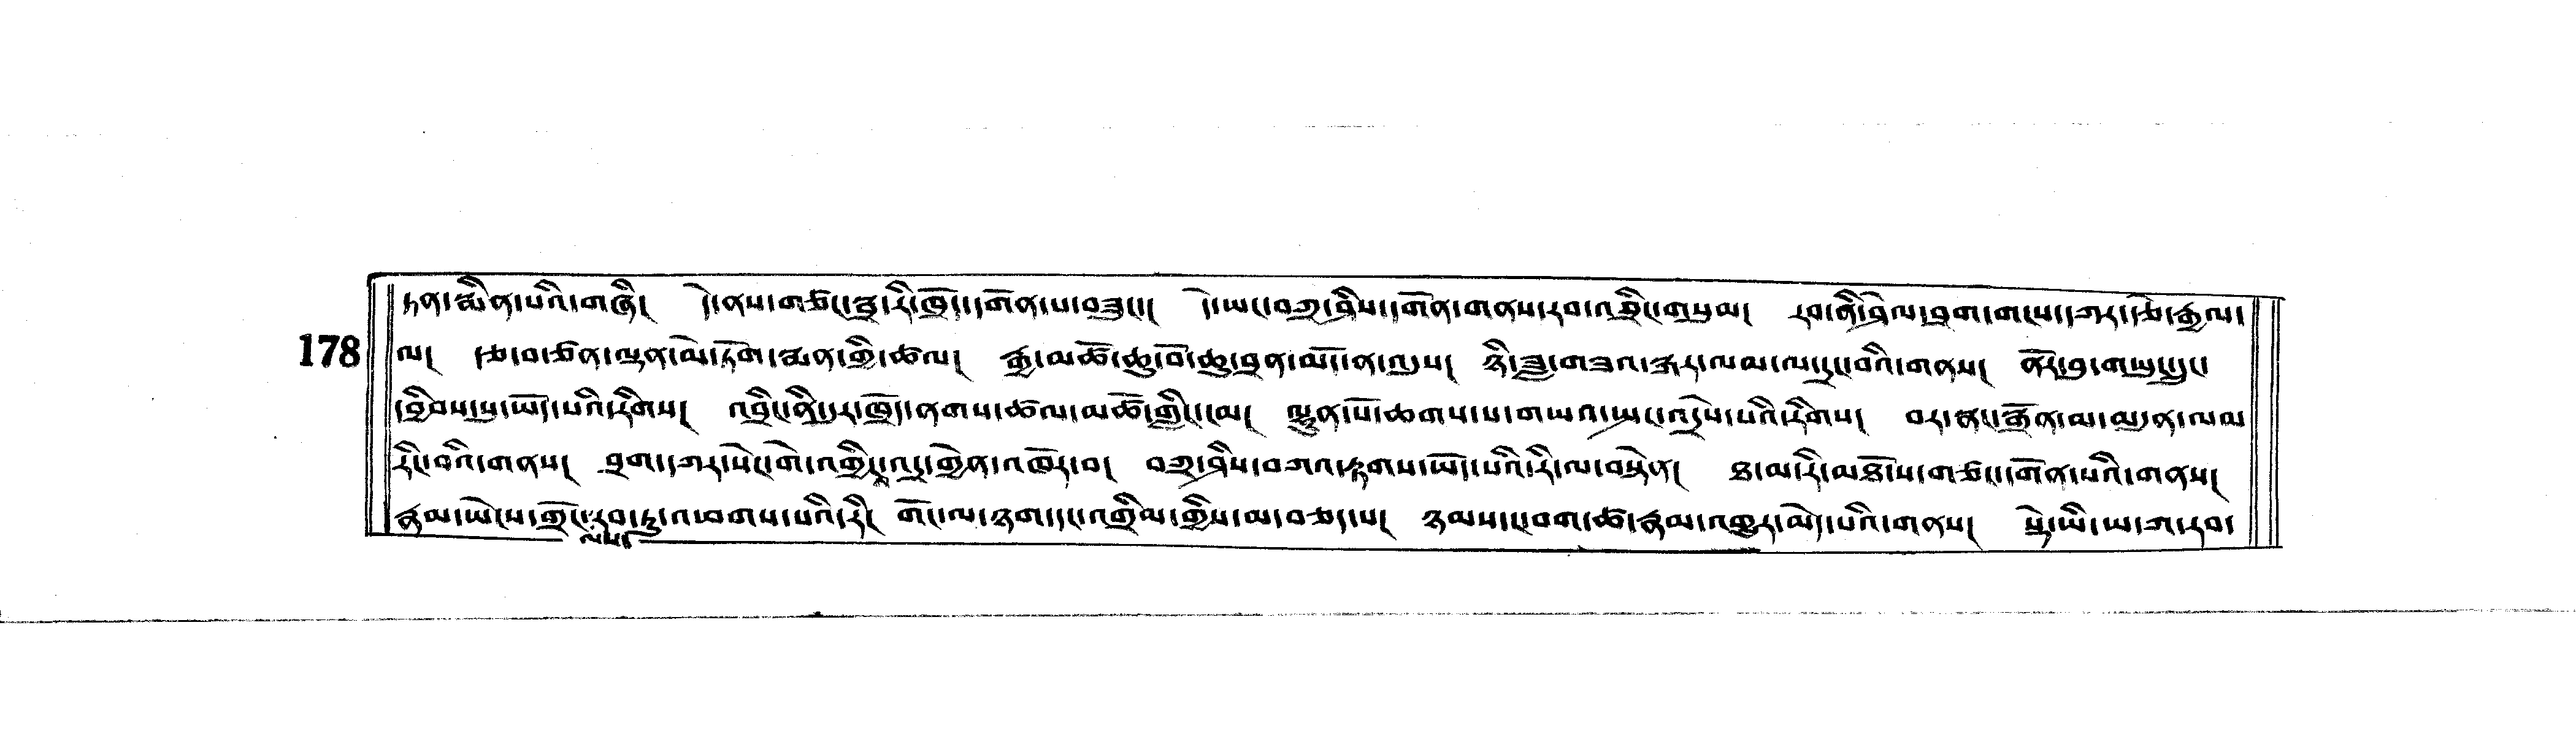ཏན་སྨིན་པའི་གཞི། དེ་ནས་གཙང་སྦྲ་རི་ཁྲོད་དགོན་པ་བཟུང་། དེ་ཡང་བཀྲ་ཤིས་དགོན་གནས་རབ་འབྲིང་གསུམ། རབ་ནི་ཤེལ་བྲག་གངས་དཀར་རྩེ་རྒྱལ་
ལ། རྩ་བ་ཙན་དན་མེ་ཏོག་སྨན་གྱི་ཚལ། རྒྱ་མཚོ་ཆུ་བོ་ཆུ་བྲན་མདོ་ན་འདུས། ཉི་ཟླ་གཟའ་སྐར་ལམ་ལ་དྲང་བའི་གནས། ནོར་བུ་གཡུང་དྲུང་
དབྱིབས་སུ་ཡོད་པའི་རིགས། འབྲིང་ནི་དུར་ཁྲོད་ནགས་ཚལ་མཚོ་གླིང་ངམ། ལྷུན་པོ་ཆགས་པ་གཡའ་སྤང་འདྲེས་པའི་རིགས། བར་སྣང་སྒྲོན་མ་མདུན་ལམ་
རིང་བའི་གནས། བྲག་དཀར་སེང་གེ་འགྱིང་འདྲ་གྱེན་འཁོར་བ། བཀྲ་ཤིས་བཀའ་རྟགས་ཡོད་པའི་རི་ལ་བསྟེན། ཐ་མ་རི་མཐོ་ས་གཙང་དགོན་པའི་གནས། 
རྣམ་གཡེང་གྲོང་ལས་རབ་ཏུ་འཕགས་པའི་རི། གོང་ལ་ཉག་དང་འགྲིམ་གྱིས་མ་བཅད་པ། ཉམ་ང་བག་ཚ་རྣམ་འགྱུར་མེད་པའི་གནས། སྡེ་ཡི་ཡ་ཀ་རབ་